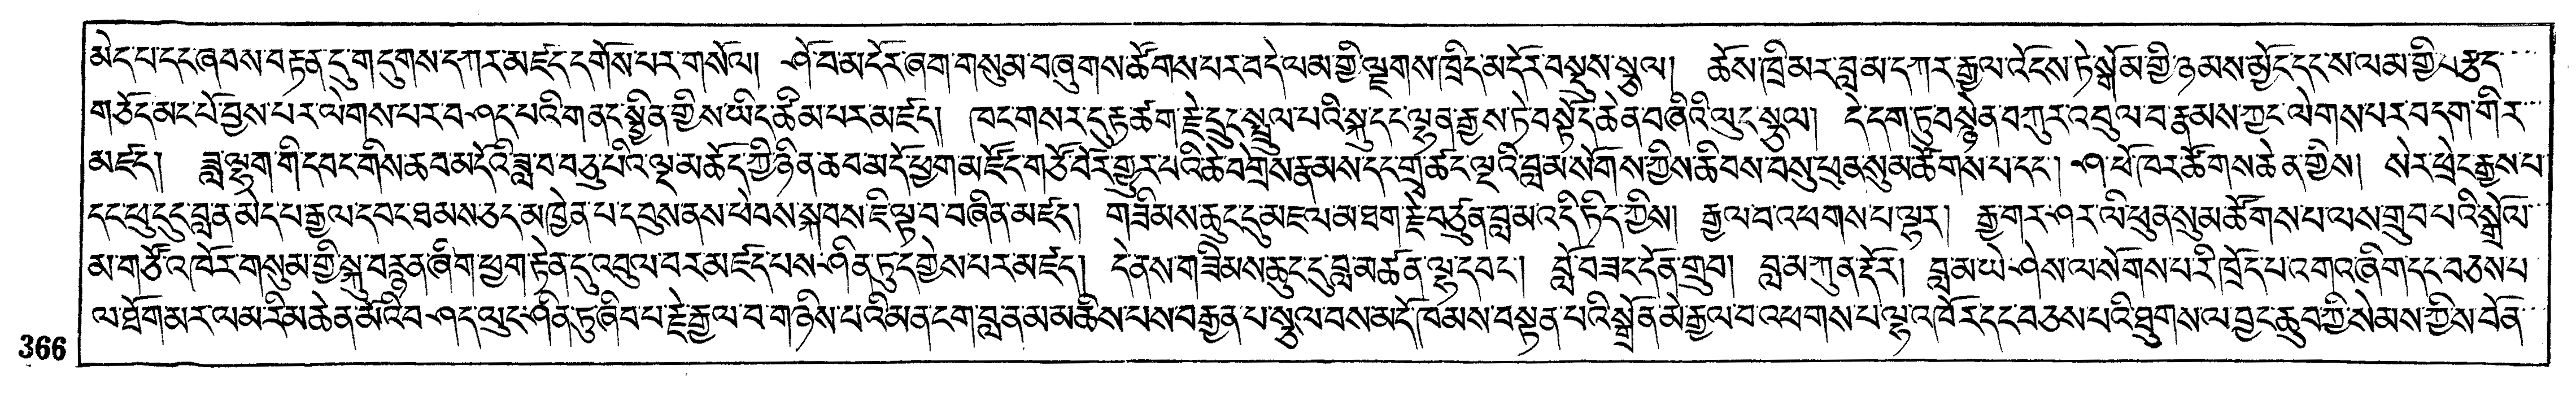མེད་པ་དང་ཞབས་བརྟན་དུ་གདུགས་དཀར་མཛད་དགོས་བར་གསོལ། ཤོ་པ་མདོར་ཞག་གསུམ་བཞུགས་ཚོགས་པར་བདེ་ལམ་གྱི་ལྗགས་ཁྲིད་མདོར་བསྡུས་སྩལ། ཆོས་ཁྲི་མར་བླ་མ་དཀར་རྒྱལ་འོངས་ཏེ་སྒོམ་གྱི་ཉམས་མྱོང་དང་ས་ལམ་གྱི་བརྩད་
གཅོད་མང་པོ་བྱས་པར་ལེགས་པར་བཤད་པའི་གནང་སྦྱིན་གྱིས་ཡིད་ཆིམ་པར་མཛད། ཁང་གསར་དུ་རྟ་ཚག་རྗེ་དྲུང་སྤྲུལ་པའི་སྐུ་དང་ལྷན་རྒྱས་ཏེ་བསྟོད་ཆེན་བཞིའི་ལུང་སྩལ། དེ་དག་ཏུ་བསྙེན་བཀུར་འབུལ་བ་རྣམས་ཀྱང་ལེགས་པར་བདག་གིར་
མཛད། ཟླ་ལྷག་གི་དབང་གིས་ཆབ་མདོའི་ཟླ་བ་བཅུ་པའི་ལྔ་མཆོད་ཀྱི་ཉིན་ཆབ་མདོ་ཕྱག་མཛོད་གཙོ་བོར་གྱུར་པའི་ཆེ་བགྲེས་རྣམས་དང་གྲྭ་ཚང་ལྔའི་བླ་མ་སོགས་ཀྱིས་ཆིབས་བསུ་ཕུན་སུམ་ཚོགས་བ་དང་། ཤ་ཕོ་ཁར་ཚོགས་ཆེན་གྱིས། སེར་ཕྲེང་རྒྱས་པ་
དང་ཕུ་དུད་བླ་ན་མེད་པ་རྒྱལ་དབང་ཐམས་ཅད་མཁྱེན་པ་དབུས་ནས་ཕེབས་སྐབས་ཇི་ལྟ་བ་བཞིན་མཛད། གཟིམས་ཆུང་དུ་མཇལ་མ་ཐག་རྗེ་བཙུན་བླ་མ་འདི་ཉིད་ཀྱིས། རྒྱལ་བ་འཕགས་པ་ལྷར། རྒྱ་གར་ཤར་ལི་ཕུན་སུམ་ཚོགས་པ་ལས་གྲུབ་པའི་སྒྲོལ་
མ་གཙོ་འཁོར་གསུམ་གྱི་སྐུ་བརྙན་ཞིག་ཕྱག་རྟེན་དུ་འབུལ་བར་མཛད་པས་ཤིན་ཏུ་དགྱེས་པར་མཛད། དེ་ནས་གཟིམས་ཆུང་དུ་བླ་མཆན་ལྷ་དབང་། བློ་བཟང་དོན་གྲུབ། བླ་མ་ཀུན་རྡོར། བླ་མ་ཡེ་ཤེས་ལ་སོགས་པ་རི་ཁྲོད་པ་འགའ་ཞིག་དང་བཅས་པ་
ལ་ཐོག་མར་ལམ་རིམ་ཆེན་མོའི་བཤད་ལུང་ཤིན་ཏུ་ཞིབ་པ་རྗེ་རྒྱལ་པ་གཉིས་པའི་མན་ངག་བླ་ན་མ་མཆིས་པས་བརྒྱན་པ་སྩལ་བ་ས་མདོ་ཁམས་བསྟན་པའི་སྒྲོན་མེ་རྒྱལ་བ་འཕགས་པ་ལྷ་འཁོར་དང་བཅས་པའི་ཐུགས་ལ་བྱང་ཆུབ་ཀྱི་སེམས་ཀྱི་ས་བོན་